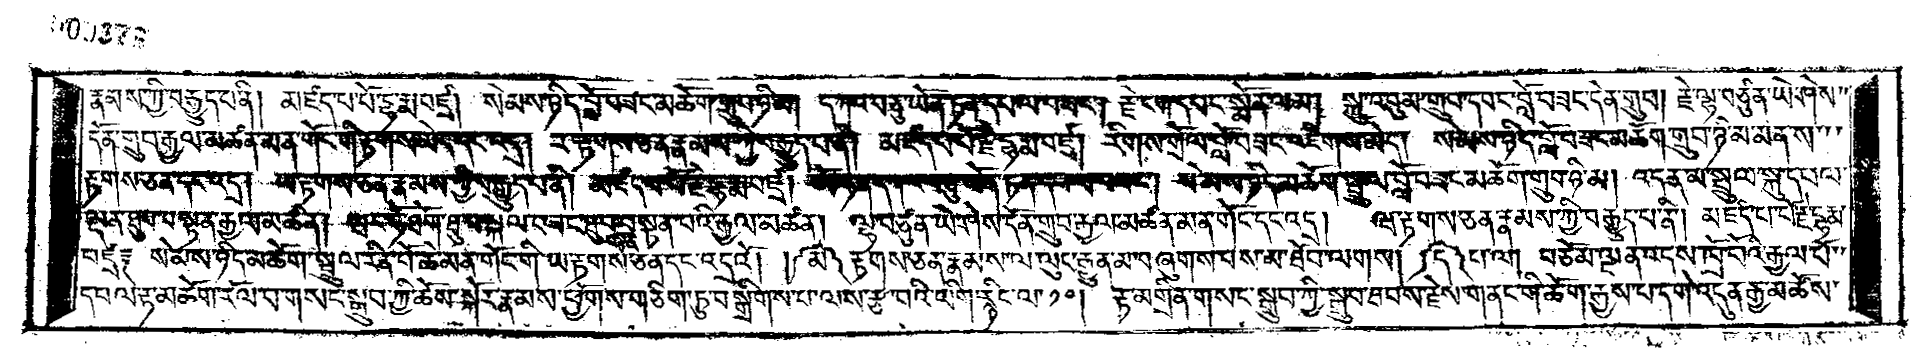རྣམས་ཀྱི་བརྒྱུད་པ་ནི། མཛད་པ་པོ་དྷ་རྨ་བཛྲ། སེམས་ཉིད་བློ་བཟང་མཆོག་གྲུབ་ཉི་མ། དཀའ་བཅུ་ཡོན་ཏན་དཔལ་བཟང་། རྗེ་ངག་དབང་སྨོན་ལམ། སྐུ་འབུམ་གྲུབ་དབང་བློ་བཟང་དོན་གྲུབ། རྗེ་ལྷ་བཙུན་ཡེ་ཤེས་
དོན་གྲུབ་རྒྱལ་མཚན་མན་གོང་གི་རྟགས་མེད་དང་འདྲ། ར་རྟགས་ཅན་རྣམས་ཀྱི་བརྒྱུད་པ་ནི། མཛད་པ་པོ་རྗེ་དྷརྨ་བཛྲ། རིགས་གྲོལ་བློ་བཟང་འཇིགས་མེད། སེམས་ཉིད་བློ་བཟང་མཆོག་གྲུབ་ཉི་མ་མན་ས་
རྟགས་ཅན་དང་འདྲ། ཡ་རྟགས་ཅན་རྣམས་ཀྱི་བརྒྱུད་པ་ནི། མཛད་པ་པོ་རྗེ་དྷརྨ་བཛྲ། ཨོ་ཧན་དཀའ་བཅུ་ཡོན་ཏན་དཔལ་བཟང་། སེམས་ཉིད་མཆོག་སྤྲུལ་བློ་བཟང་མཆོག་གྲུབ་ཉི་མ། འདན་མ་སྤྲུལ་སྐུ་དཔལ་
ལྡན་ཐུབ་བསྟན་རྒྱལ་མཚན། ཝང་ཧོ་ཐོག་ཐུ་བསྐལ་བཟང་ཐུབ་བསྟན་པའི་རྒྱལ་མཚན། ལྷ་བཙུན་ཡེ་ཤེས་དོན་གྲུབ་རྒྱལ་མཚན་མན་གོང་དང་འདྲ། ཝ་རྟགས་ཅན་རྣམས་ཀྱི་བརྒྱུད་པ་ནི། མཛད་པ་པོ་རྗེ་དྷརྨ་
བཛྲ༑ སེམས་ཉིད་མཆོག་སྤྲུལ་རིན་པོ་ཆེ་མན་གོང་གི་ཡ་རྟགས་ཅན་དང་འདྲའོ། །༼མ༽ རྟགས་ཅན་རྣམས་ལ་ལུང་རྒྱུན་མ་བཞུགས་པས་མ་ཐོབ་ལགས། ༼ད༽ པ་ལ། བཅོམ་ལྡན་འདས་ཁྲོ་བོའི་རྒྱལ་པོ་
དཔལ་རྟ་མཆོག་རོལ་བ་གསང་སྒྲུབ་ཀྱི་ཆོས་སྐོར་རྣམས་ཕྱོགས་གཅིག་ཏུ་བསྒྲིགས་པ་ལས་རྩ་བའི་ཡིག་རྙིང་ལ ༡༠། རྟ་མགྲིན་གསང་སྒྲུབ་ཀྱི་སྒྲུབ་ཐབས་རྗེས་གནང་གི་ཆོ་ག་རྒྱས་པ་དགེ་འདུན་རྒྱ་མཚོས་